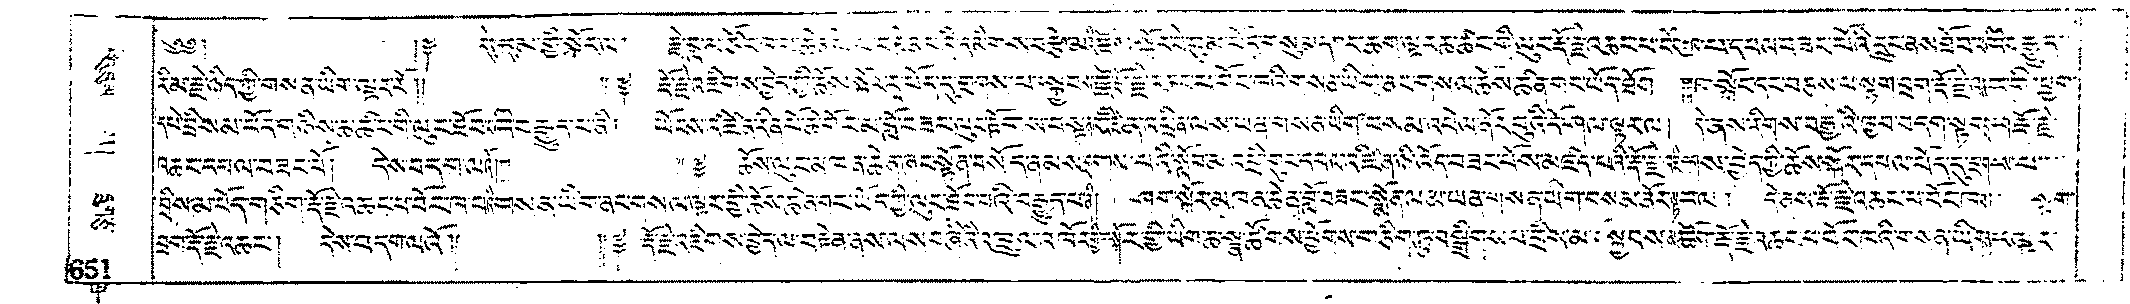༄༅། །འ་བེའུ་བུམ་གྱི་སྐོར་ལ། རྗེ་བླ་མ་ཙོང་ཁ་པ་ཆེན་པོ་ལ་བརྟེན་པའི་དམིགས་བརྩེ་མའི་ཆོས་སྐོར་བེ་བུམ་པོད་གསུམ་དཀར་ཆག་ལྟར་ཆ་ཚང་གི་ལུང་རྡོ་རྗེ་འཆང་ཕ་བོང་ཁ་པ་དཔལ་བཟང་པོའི་དྲུང་ནས་ཐོབ་པའི་བརྒྱུད་
རིམ་རྗེ་ཉིད་ཀྱི་གསན་ཡིག་ལྟར་རོ།། །། འ་རྡོ་རྗེ་འཇིགས་བྱེད་ཀྱི་ཆོས་སྐོར་རྭ་པོད་དུ་གྲགས་པ ༧སྐྱབས་རྗེ་རྡོ་རྗེ་འཆང་ཕ་བོང་ཁའི་གསན་ཡིག་ནང་གསལ་ཆོས་ཚན་གང་ཡོད་ཐོག །ཁ་སྐོང་དང་བཅས་པ་སྟག་བྲག་རྡོ་རྗེ་འཆང་གི་ཕྱག་
དཔེ་བྲིས་མ་པོད་གཉིས་ཆ་ཚང་གི་ལུང་ཐོབ་པའི་བརྒྱུད་པ་ནི། ཡོངས་འཛིན་རིན་པོ་ཆེ་གོང་མ་བློ་བང་ལུང་རྟོགས་བསྟན་འཛིན་འཕྲིན་ལས་ཡན་གསན་ཡིག་བསམ་འཕེལ་ནོར་དུའི་དོ་ཤལ་ལྟར་ལ། དེ་ནས་རིགས་བརྒྱའི་ཁྱབ་བདག་སྟག་བྲག་རྡོ་རྗེ་
འཆང་དཔལ་བཟང་པོ། དེས་བདག་ལའོ།། །། འ་ཆོས་ལུང་མཁན་ཆེན་ཞང་སྟོན་བསོད་ནམས་གྲགས་པའི་སློབ་མ་འབྲི་གུང་དཔལ་འཛིན་ཉི་འོད་བཟང་པོས་མཛད་པའི་རྡོ་རྗེ་འཇིགས་བྱེད་ཀྱི་ཆོས་སྐོར་དཔལ་པོད་དུ་གྲགས་པ་
བྲིས་མ་པོད་གཅིག་རྡོ་རྗེ་འཆང་ཕ་བོང་ཁ་པའི་གསན་ཡིག་ནང་གསལ་ལྟར་གྱི་ཆོས་ཚན་གང་ཡོད་ཀྱི་ལུང་ཐོབ་པའི་བརྒྱུད་པ་ནི། ཤག་སྐོར་མཁན་ཆེན་བློ་བཟང་སྨོན་ལམ་ཡན་གསན་ཡིག་བསམ་ནོར་ལྟར་ལ། དེ་ནས་རྡོ་རྗེ་འཆང་ཕ་བོང་ཁ་པ། སྟག་
བྲག་རྡོ་རྗེ་འཆང་། དེས་བདག་ལའོ།། །། འ་རྡོ་རྗེ་འཇིགས་བྱེད་ལ་བརྟེན་ནས་ལས་བཞིའི་འཁྲུལ་འཁོར་གྱི་སྐོར་གྱི་ཡིག་ཆ་སྣ་ཚོགས་ཕྱོགས་གཅིག་ཏུ་བསྒྲིགས་པ་བྲིས་མ ༧སྐྱབས་མཆོག་རྡོ་རྗེ་འཆང་ཕ་བོང་ཁའི་གསན་ཡིག་ནང་ལྟར་